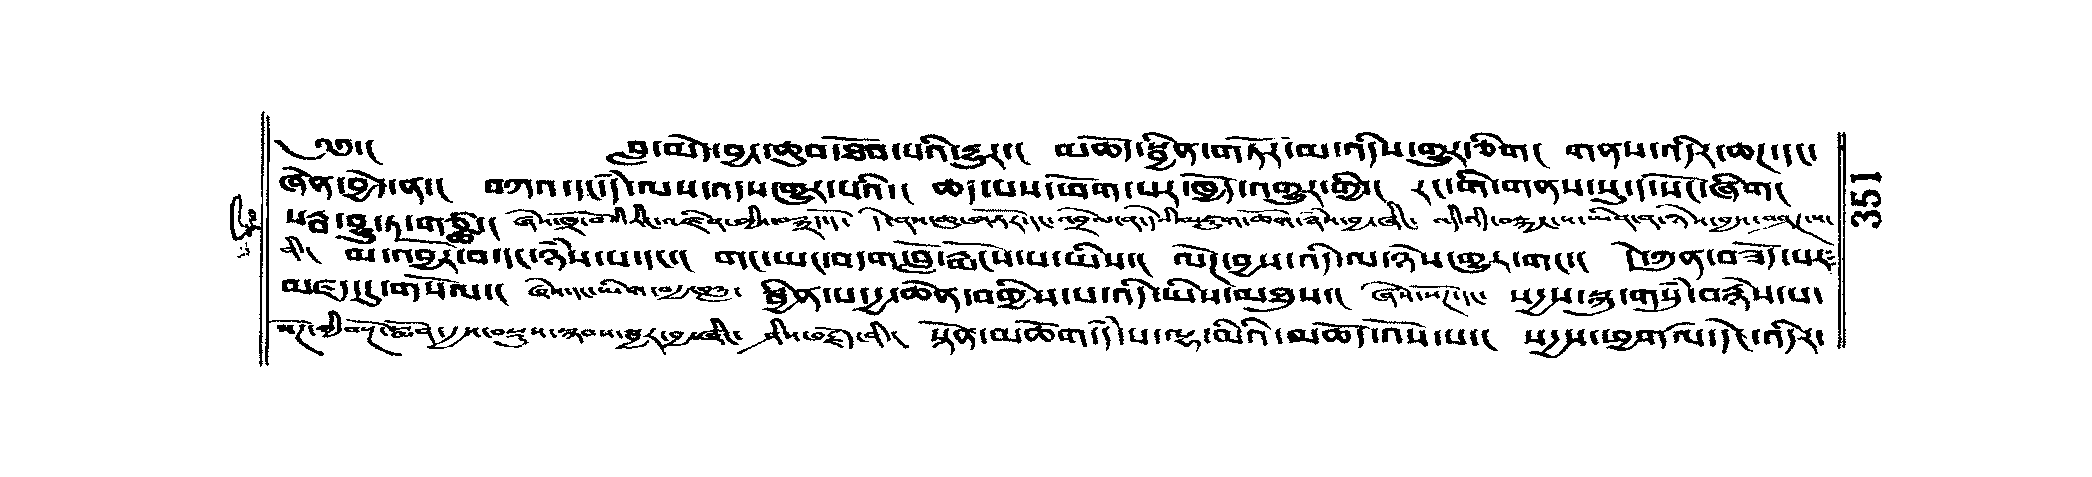།བླ་མེད་བྱང་ཆུབ་ཐོབ་པའི་རྒྱུར། །མཆོད་སྦྱིན་གཏོར་མ་འདི་གྱུར་ཅིག །གནས་འདིར་ཆགས་དང་
ཞེན་བྱེད་ན། །བཀའ་དང་དམ་ལས་འདས་གྱུར་པའི། །ཆད་པས་ཕོག་པར་ཁྱོད་འགྱུར་གྱི། །རང་གི་གནས་སུ་ད་སོང་ཞིག
སརྦ་བྷུ་ཏ་གཙྪ། ཞེས་ཁྲོ་བོའི་ཏིང་འཛིན་གྱིས་བསྐྲད་དོ། དེ་ནས་ཆུ་གཏོར་དང་འབྲེལ་ན་དེའི་མཇུག་ཆོག་རྣམས་བྱ་ཞིང་། འདི་ཉིད་ཀྱང་པ་ཡིན་ན་ཉེས་བྱས་བཤགས་པ་
ནི། མ་འབྱོར་བ་དང་ཉམས་པ་དང་། །གང་ཡང་བདག་བློ་རྨོངས་པ་ཡིས། །ལེགས་བྱས་འདི་ལ་ཉེས་གྱུར་གང་། །དེ་ཀུན་བཟོད་པར་
མཛད་དུ་གསོལ། ཞེས་དང་ཡིག་བརྒྱ་བཟླ། སྦྱིན་པ་རྒྱ་ཆེན་བགྱིས་པ་འདི་ཡིས་མཐུས། ཞེས་སོགས་དང་། སངས་རྒྱས་སྐུ་གསུམ་བརྙེས་པ་
སོགས་ཀྱི་བསྔོ་སྨོན་རྒྱས་བསྡུས་སྐབས་སྦྱར་བྱ་ཞིང་། ཤིས་བརྗོད་ནི། སྟོན་མཆོག་དམ་པ་ལྷ་མིའི་མཆོད་འོས་པ། སངས་རྒྱས་ཕྱག་འཚལ་དེང་འདིར་